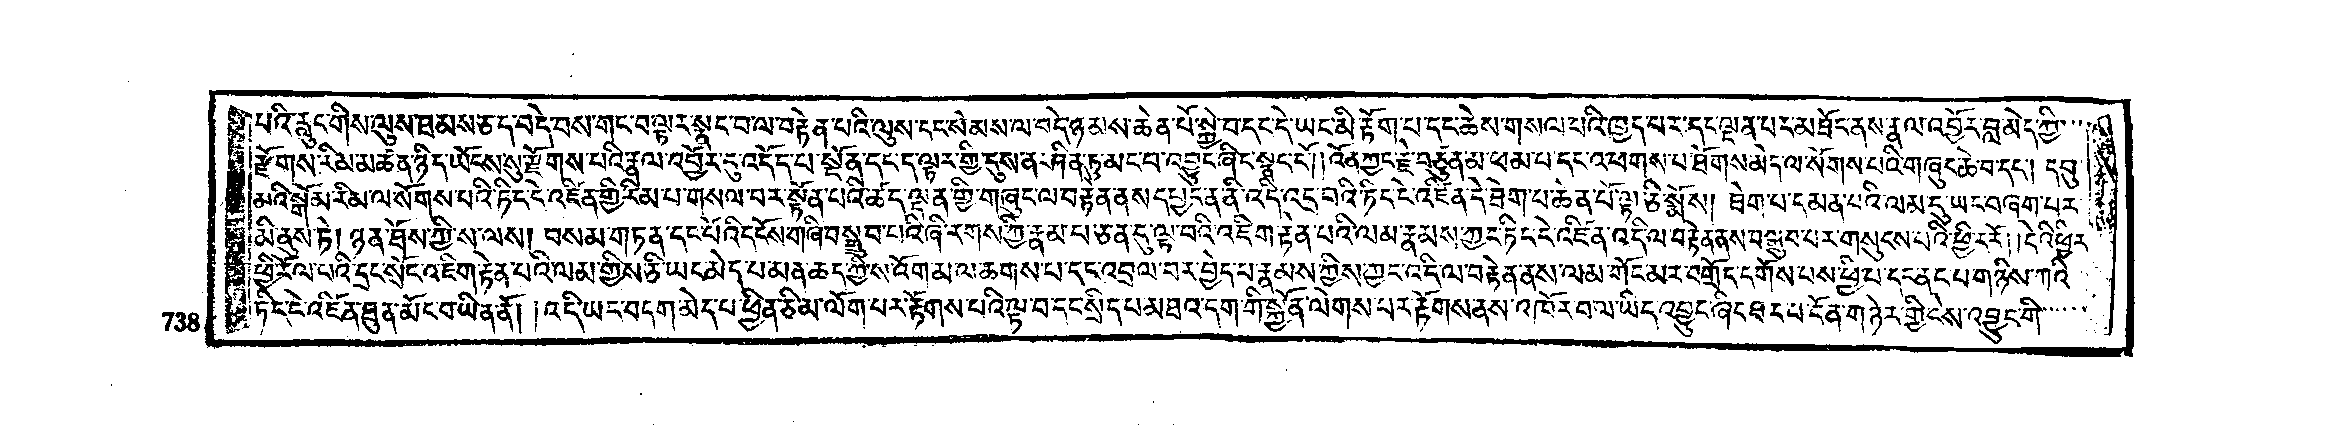པའི་རླུང་གིས་ལུས་ཐམས་ཅད་བདེ་བས་གང་བ་ལྟར་སྣང་བ་ལ་བརྟེན་པའི་ལུས་དང་སེམས་ལ་བདེ་ཉམས་ཆེན་པོ་སྐྱེ་བ་དང་དེ་ཡང་མི་རྟོག་པ་དང་ཆེས་གསལ་བའི་ཁྱད་པར་དང་ལྡན་པར་མཐོང་ནས་རྣལ་འབྱོར་བླ་མེད་ཀྱི་
རྫོགས་རིམ་མཚན་ཉིད་ཡོངས་སུ་རྫོགས་པའི་རྣལ་འབྱོར་དུ་འདོད་པ་སྔོན་དང་ད་ལྟར་གྱི་དུས་ན་ཤིན་ཏུ་མང་བར་བྱུང་ཞིང་སྣང་ངོ། །འོན་ཀྱང་རྗེ་བཙུན་མ་ཕམ་པ་དང་འཕགས་པ་ཐོགས་མེད་ལ་སོགས་པའི་གཞུང་ཆེ་བ་དང་། དབུ་
མའི་སྒོམ་རིམ་ལ་སོགས་པའི་ཏིང་ངེ་འཛིན་གྱི་རིམ་པ་གསལ་བར་སྟོན་པའི་ཚད་ལྡན་གྱི་གཞུང་ལ་བརྟེན་ནས་དཔྱད་ན་ནི་འདི་འདྲ་བའི་ཏིང་ངེ་འཛིན་དེ་ཐེག་པ་ཆེན་པོ་ལྟ་ཅི་སྨོས། ཐེག་པ་དམན་པའི་ལམ་དུ་ཡང་བཞག་པར་
མི་ནུས་ཏེ། ཉན་ཐོས་ཀྱི་ས་ལས། བསམ་གཏན་དང་པོའི་དངོས་གཞི་བསྒྲུབ་པའི་ཞི་རགས་ཀྱི་རྣམ་པ་ཅན་དུ་ལྟ་བའི་འཇིག་རྟེན་པའི་ལམ་རྣམས་ཀྱང་ཏིང་ངེ་འཛིན་འདི་ལ་བརྟེན་ནས་བསྒྲུབ་པར་གསུངས་པའི་ཕྱིར་རོ། །དེའི་ཕྱིར་
ཕྱི་རོལ་པའི་དྲང་སྲོང་འཇིག་རྟེན་པའི་ལམ་གྱིས་ཅི་ཡང་མེད་པ་མན་ཆད་ཀྱི་ས་འོག་མ་ལ་ཆགས་པ་དང་འབྲལ་བར་བྱེད་པ་རྣམས་ཀྱིས་ཀྱང་འདི་ལ་བརྟེན་ནས་ལམ་གོང་མར་བགྲོད་དགོས་པས་ཕྱི་པ་དང་ནང་པ་གཉིས་ཀའི་
ཏིང་ངེ་འཛིན་ཐུན་མོང་བ་ཡིན་ནོ། །འདི་ཡང་བདག་མེད་པ་ཕྱིན་ཅི་མ་ལོག་པར་རྟོགས་པའི་ལྟ་བ་དང་སྲིད་པ་མཐའ་དག་གི་སྐྱོན་ལེགས་པར་རྟོགས་ནས་འཁོར་བ་ལ་ཡིད་འབྱུང་ཞིང་ཐར་པ་དོན་གཉེར་གྱི་ངེས་འབྱུང་གི་